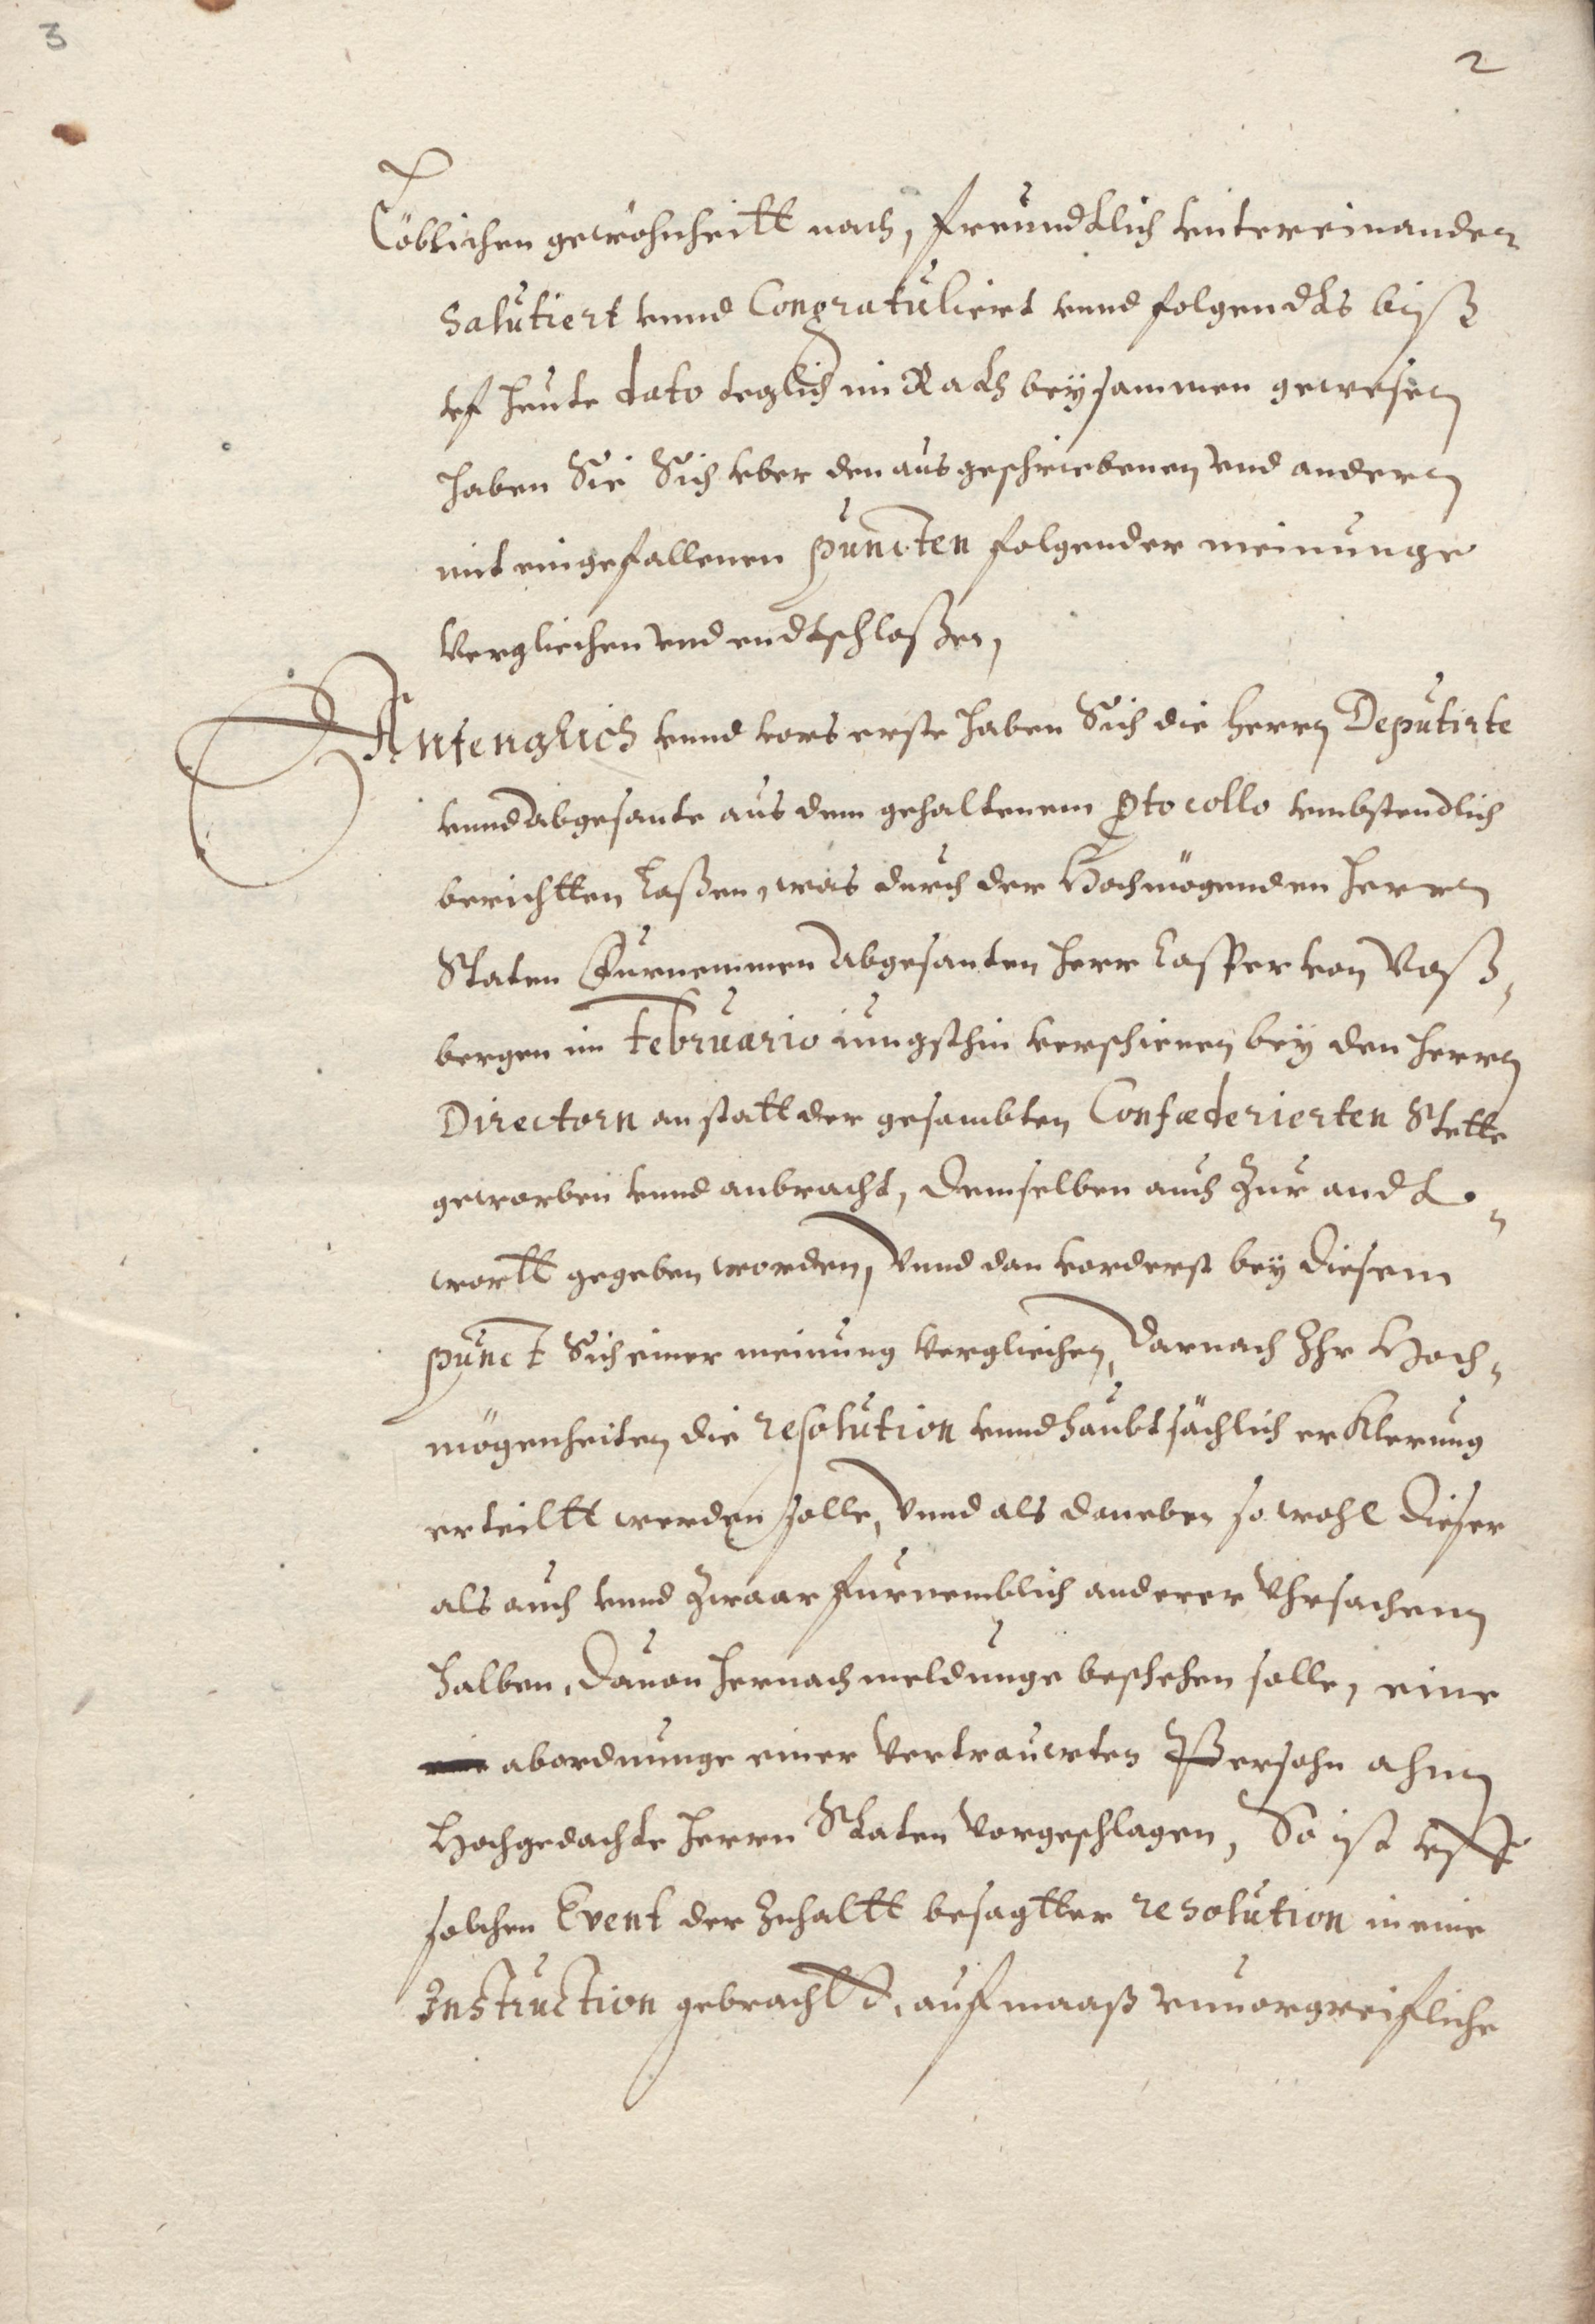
2
Löblichen gewöhnheitt nach, freundlich vntereinander
salutiert vnnd Congratuliert vnnd folgendts biß
vf heute dato teglich im Rath beijsammen gewesen
haben Sie sich vber den ausgeschriebenen und anderen
mit eingefallenen puncten folgender meinunge
verglichen vnd endtschloßen,
Anfenglich vnnd vors erste haben sich die Herren Deputierte
vnnd Abgesante aus dem gehaltenem protocollo vmbstendlich
berichtten laßen , was durch der Hochvermögenden herrn
Staten Furnemmen Abgesanten Herr Casper von Voß¬
bergen im Februario iungsthin verschienen beij den Herrn
Directorn anstatt der gesambten Confoederierten Stette
geworben vnnd anbracht, demselben auch zur andt¬
wortt gegeben worden, vnnd dan vorderst beij diesem
punct sich einer meinung vergliechen, darnach Ihr Hoch¬
mögenheiten die resolution vnndhaubtsächlich erklerung
erteiltt werden solle, vnnd als daneben so wohl dieser
als auch vnnd zwaar furnemblich anderer Vhrsachen
halben, dauon hernach meldunge beschehen solle, eine
eine abordnunge einer vertrauwten Persohn ahnn
Hochgedachte Herrn Staten vorgeschlagen , So ist vff
solchen Event der Zuhaltt besagtter resolution in eine
Instruction gebrachtt, auf maaß vnuorgreifliche
